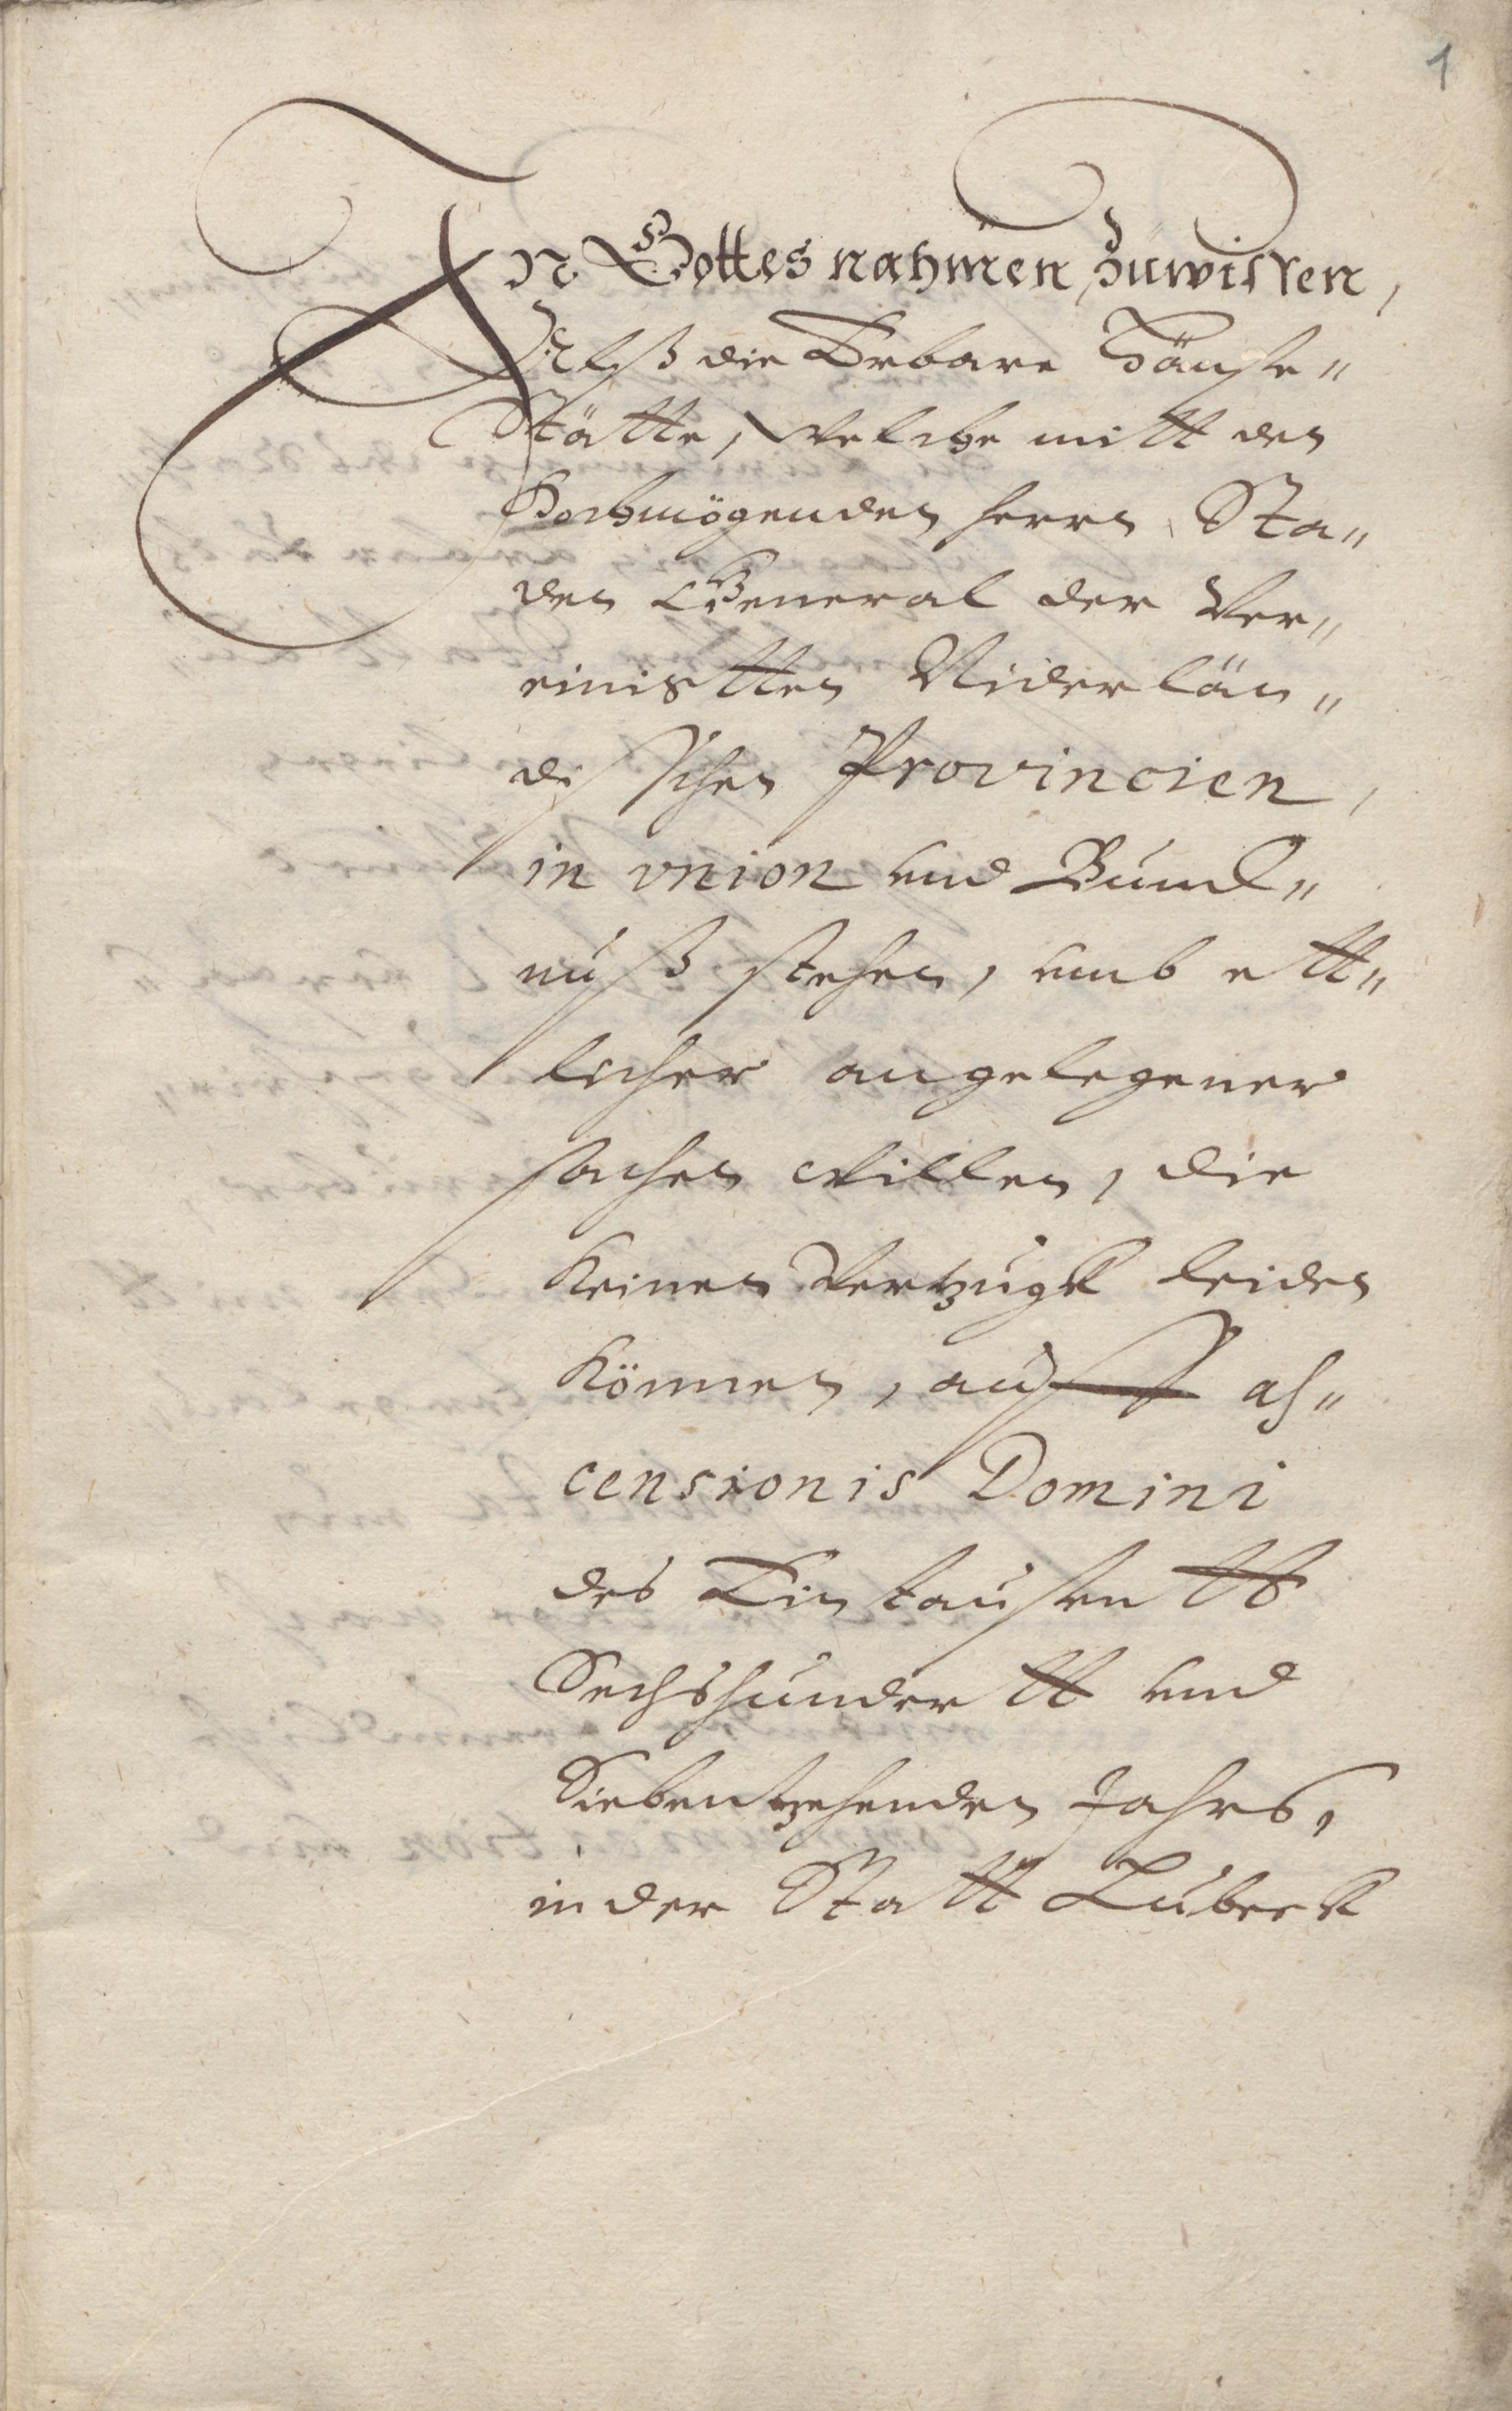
In Gottes nahmen Zuwissen,
Alß die Erbarn Hänse¬
Stätte, welche mitt den
Hochmögenden herrn Sta¬
den General der Ver¬
einigtten Niderlän¬
disschen Provincien,
in union vnd Bund¬
nuß stehen, vmb ett¬
licher angelegener
sachen willen, die
keinen Vertzugk leiden
können, auff as¬
censionis Domini
des Eintausentt
Sechshundertt vnd
Siebentzehenden Jahrs,
in der Statt Lubeck
